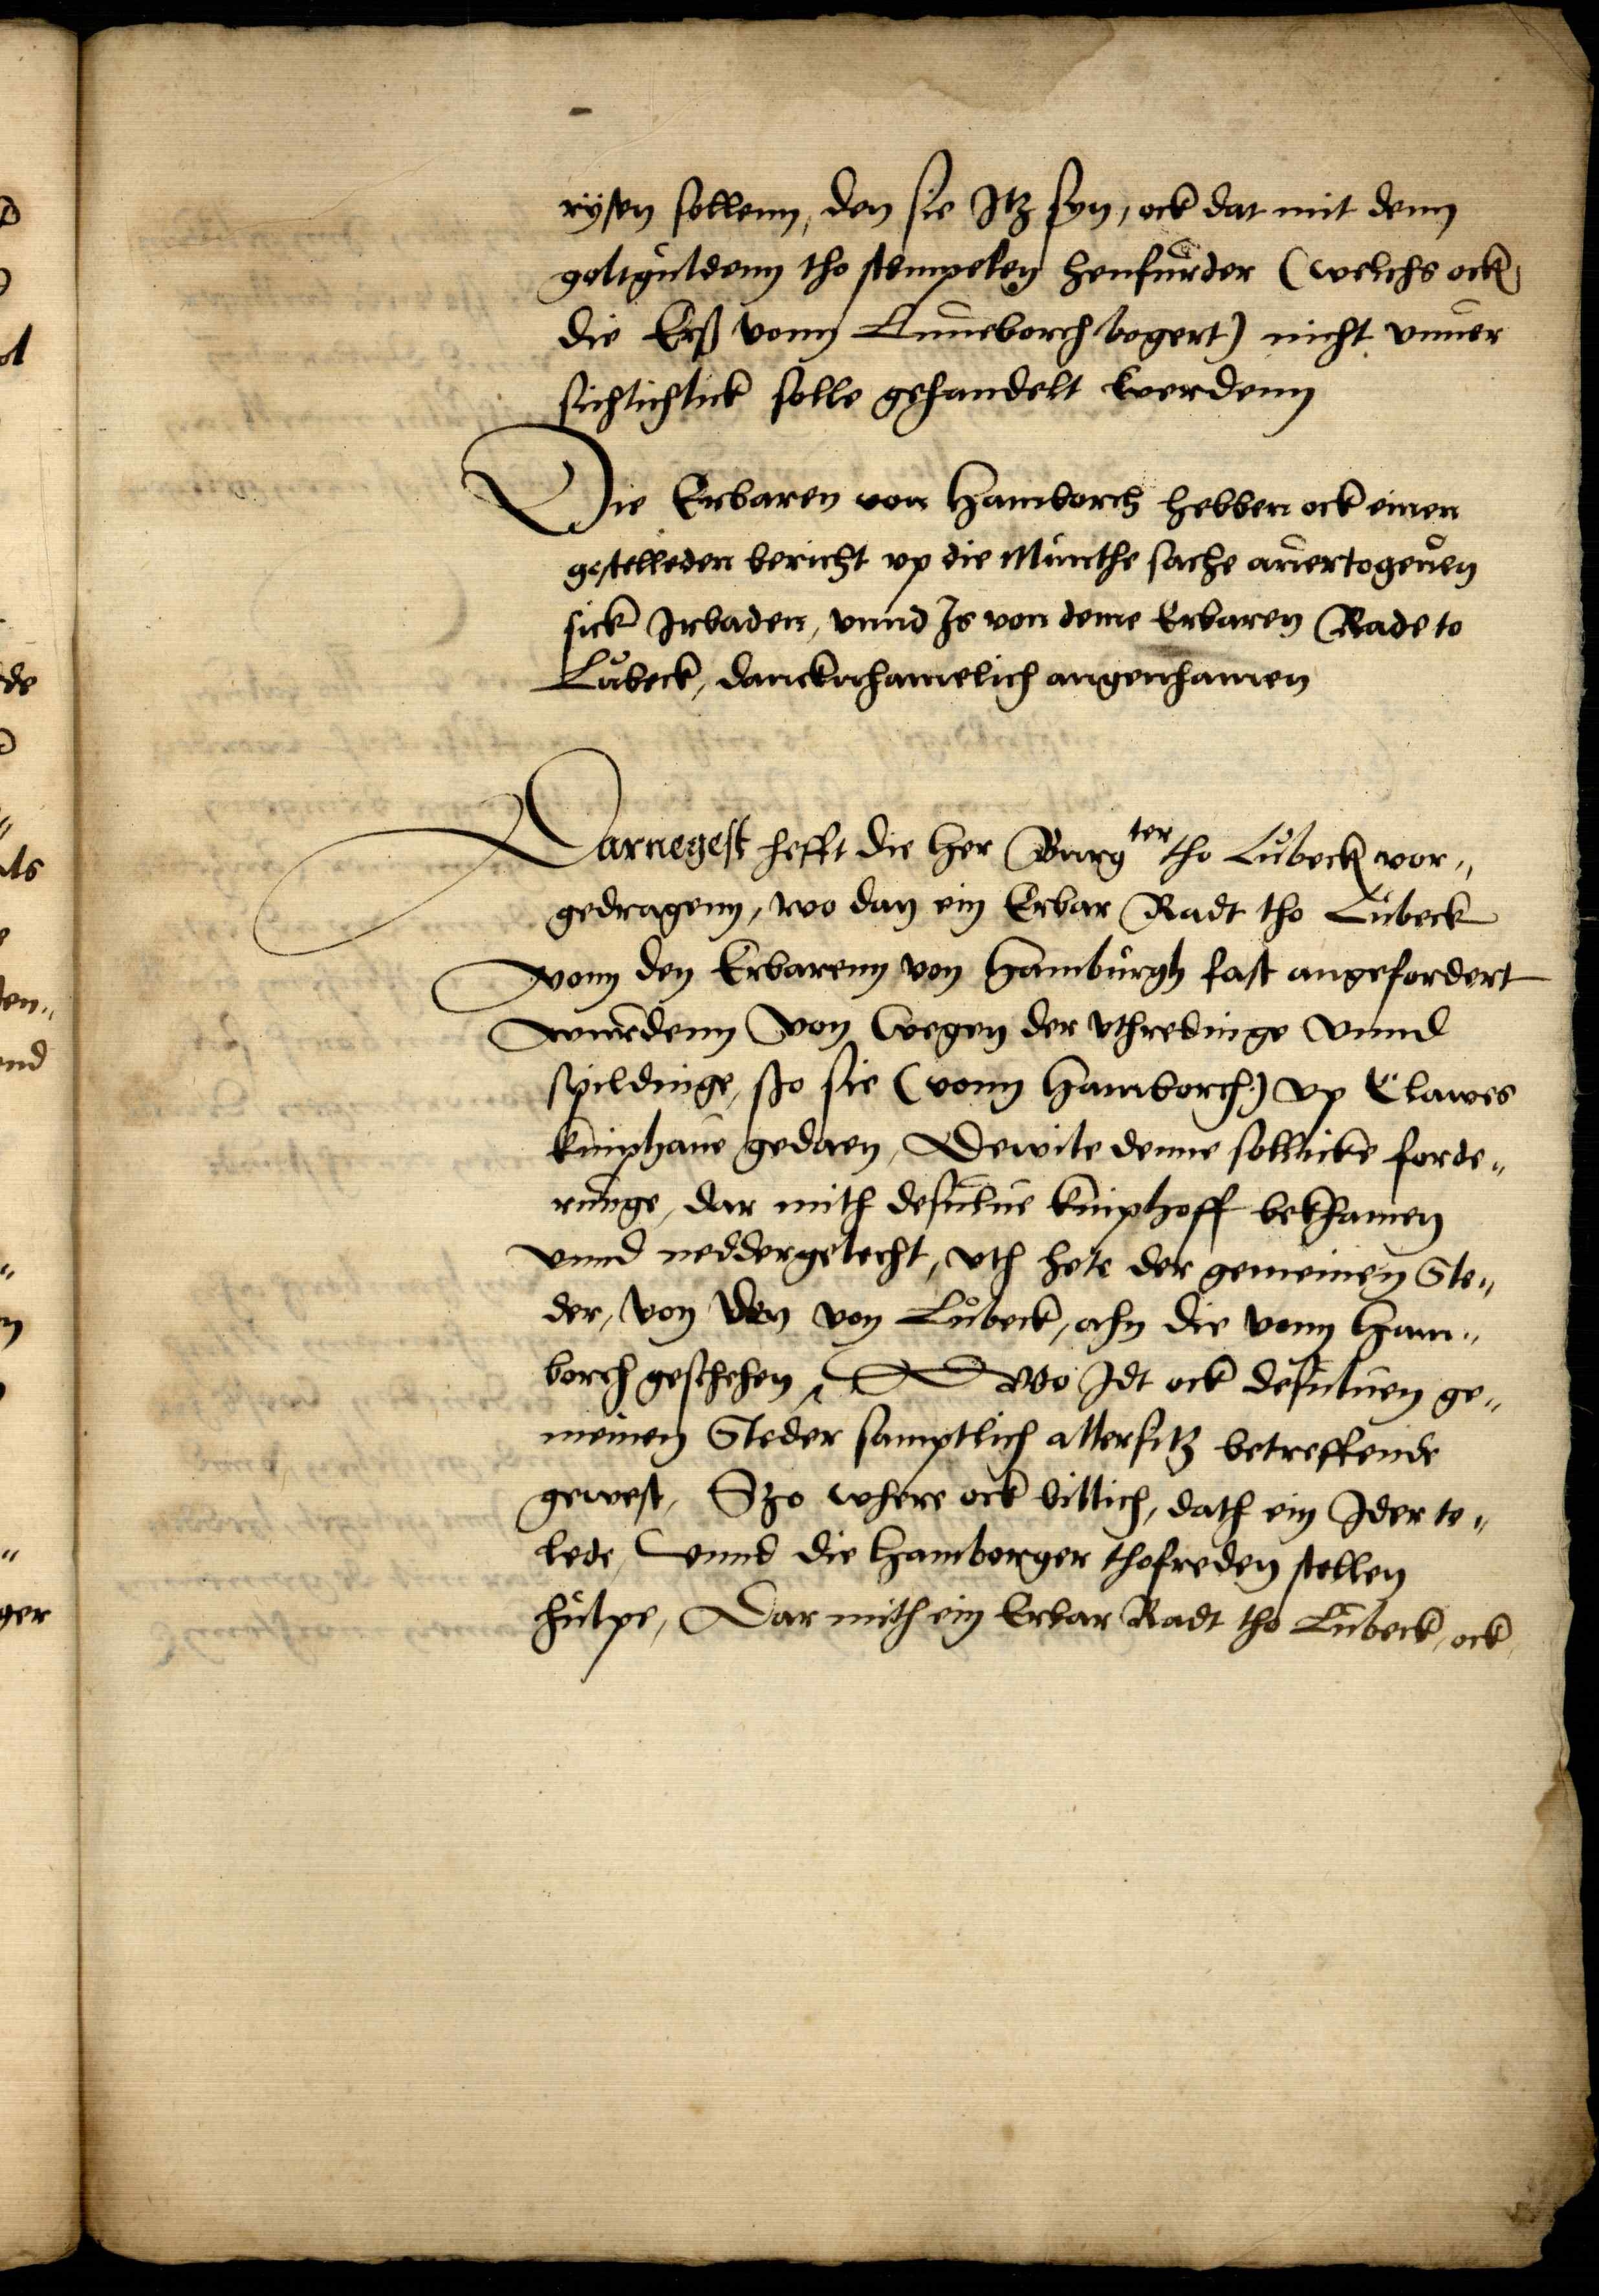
rijsen sollen, den sie Itz syn, ock dat mit denn
goltguldenn tho stempelen henfurder ( welchs ock
die Erß vonn Luneborch bogert ) nicht vnner
sichtichlick solle gehandelt werdenn
Die Erbaren von Hamborch hebben ock einen
gestelleden bericht vp die Munthe sache auertogeuen
sick Irbaden, vnnd Is von deme Erbaren Rade to
Lubeck, dancknhamelich angenhamen
Darnegest hefft die Her Burgermeister tho Lubeck vor¬
gedragenn, wo dan ein Erbar Radt tho Lubeck
vonn den Erbarenn von Hamburgh fast angefordert
wurdenn von wegen der vthredinge vnnd
spildinge, ßo sie ( vonn Hamborch ) vp Clawes
Kniphaue gedaen, Dewile denne sollicke forde¬
runge, dar mith desulue Kniphoff bekhamen
vnnd neddergelecht, vth hete der gemeinen Ste¬
der, von den von Lubeck, ahn die vonn Ham¬
borch geschehen, Wo Idt ock desuluen ge¬
meinen Steder samptlich allersitz betreffende
gewest, Szo where ock billich, dath ein Ider to¬
lede, vnnd die Hamborger thofreden stellen
hulpe, Dar mith ein Erbar Radt tho Lubeck, ock
